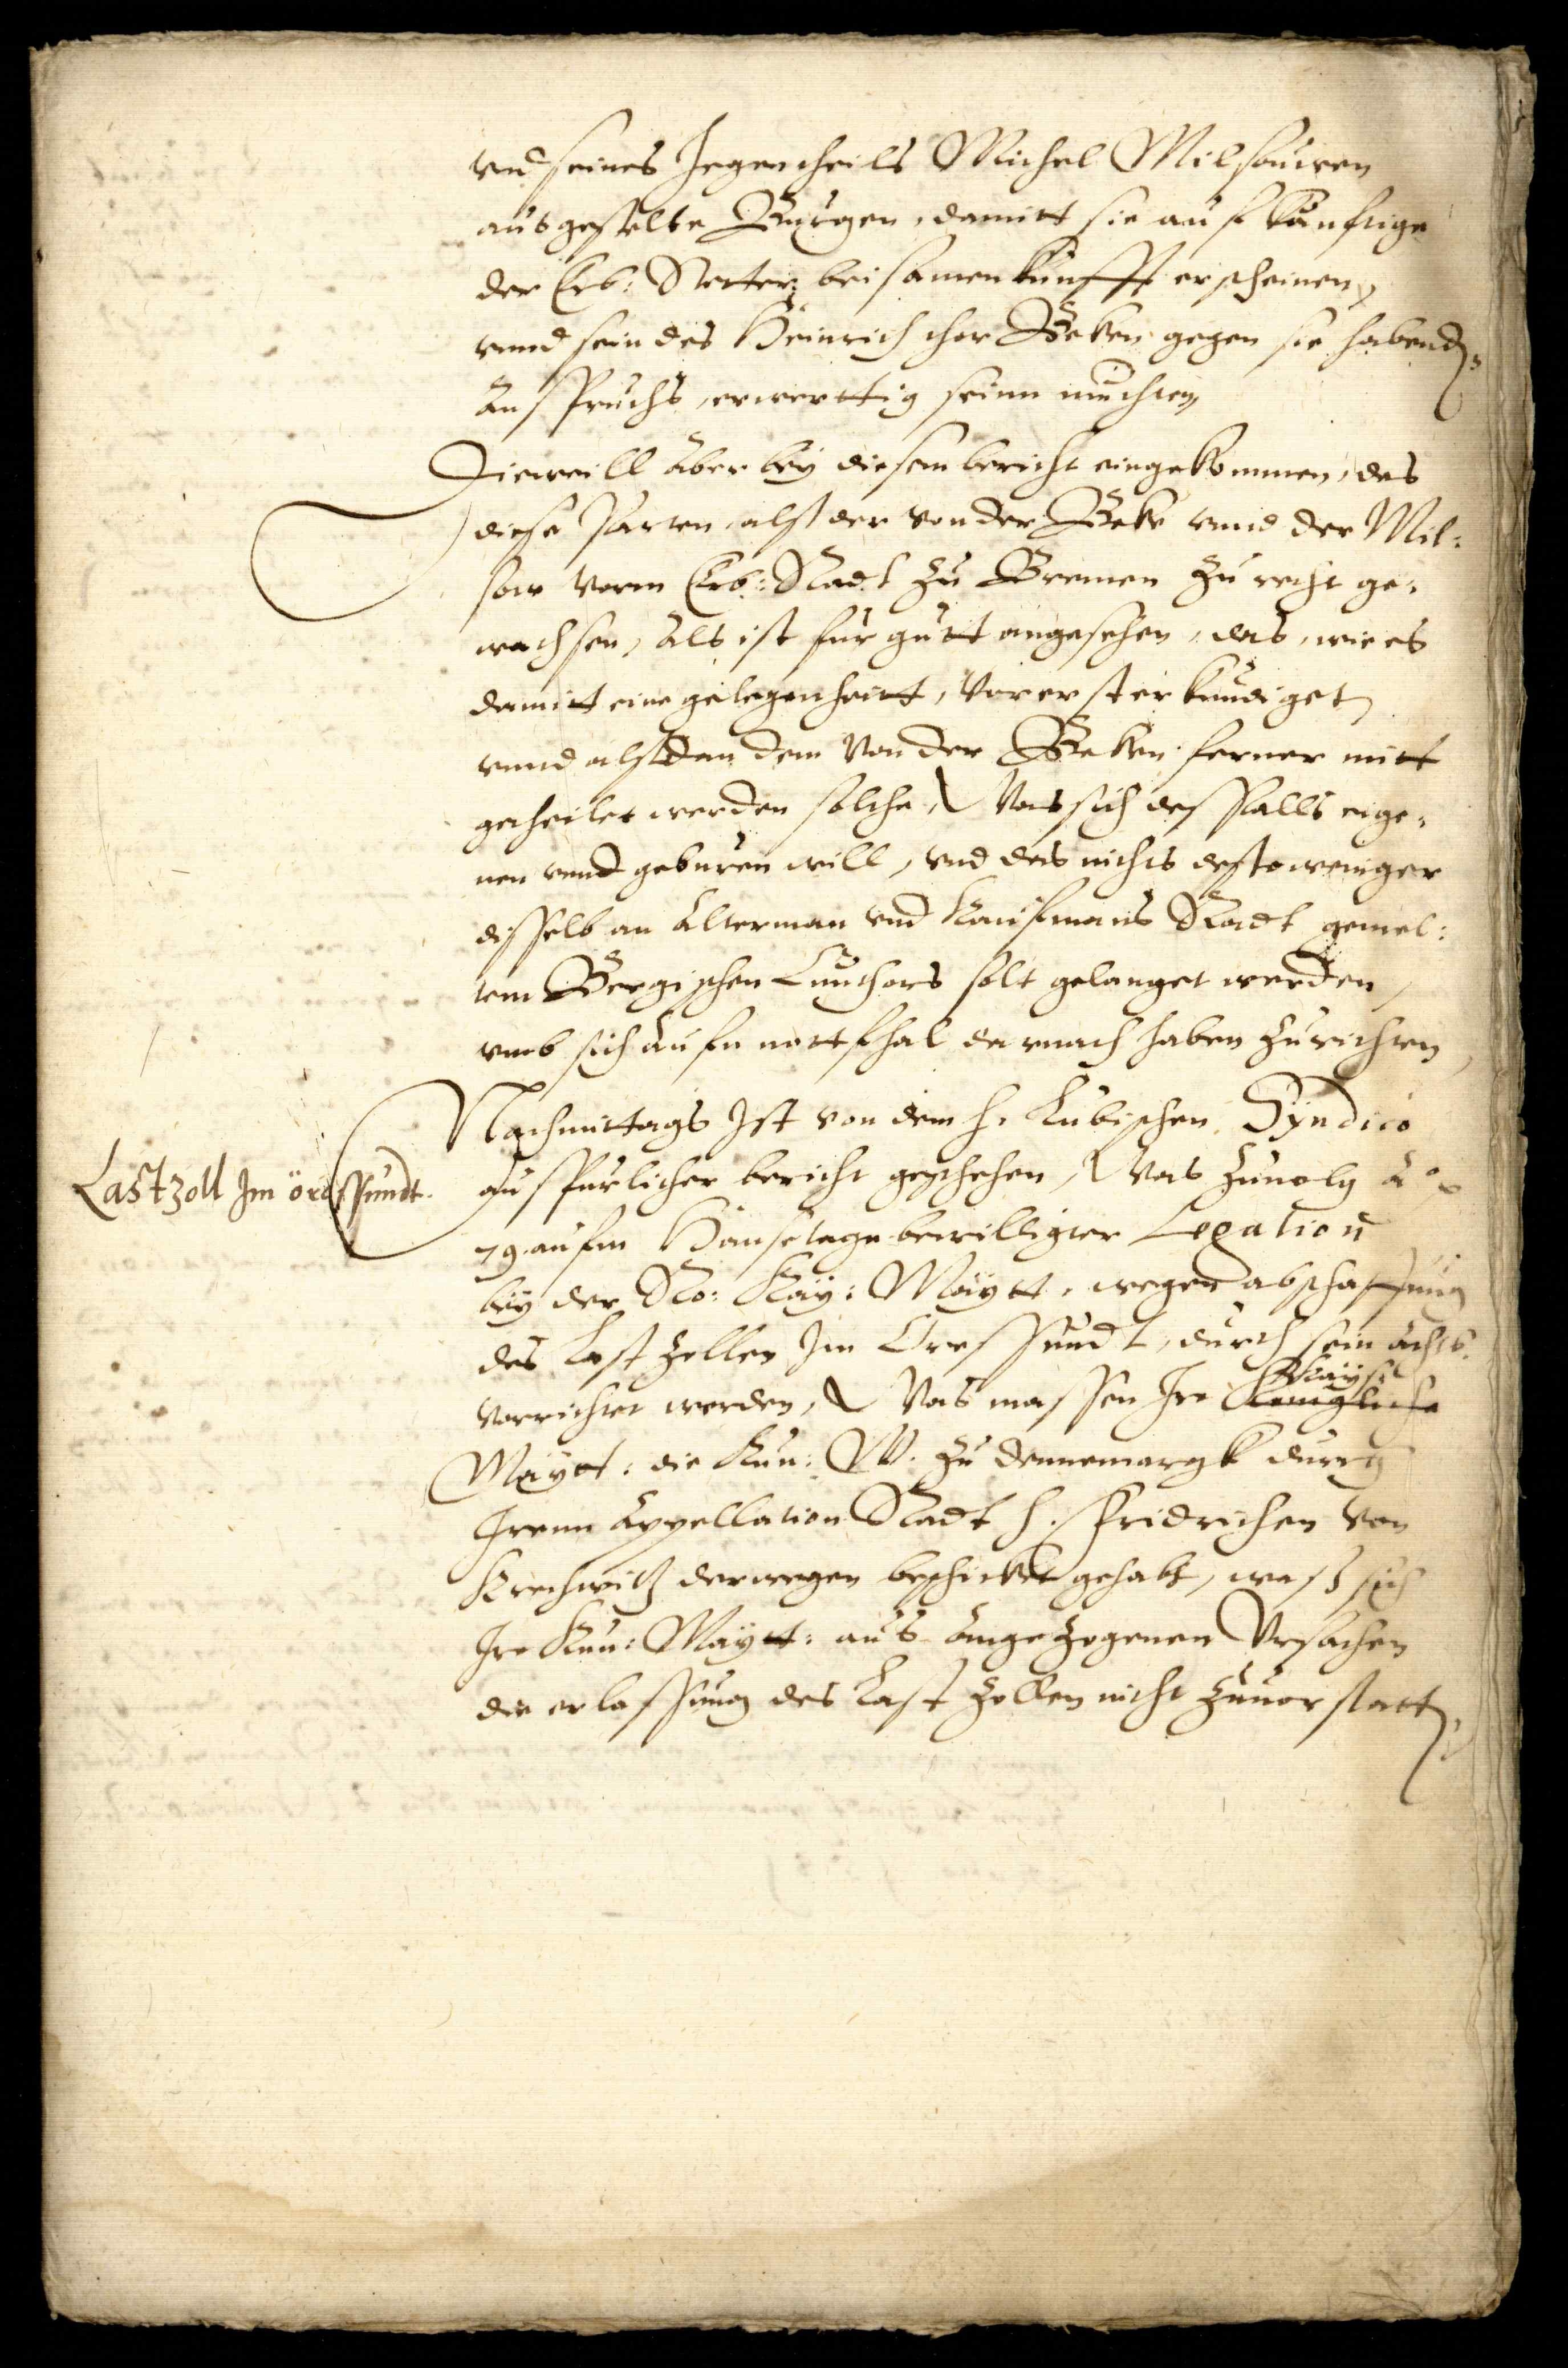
vnd seines Jegentheils Michel Milsouwen
ausgestelte Burgen, damitt sie auf kunftige
der Erb: Stetter beisamenkunfft erscheinen,
vnnd sein des Heinrich thor Beken gegen sie habenden
Anspruchs, erwerttig seinn muchten,
Dieweill aber beij diesem bericht eingekommen, das
diese Parten alß der von der Beke vnnd der Mil¬
sow vorm Erb: Radt zu Bremen zu recht ge¬
wachsen, Als ist fur gutt angesehen, das, wie es
damitt eine gelegenheitt, vorerst erkundiget,
vnnd alßdan dem von der Beken ferner mitt
getheilet werden solthe, Was sich desfalls eige¬
nen vnnd geburen will, vnd das nichts desto weniger
disselb an Alterman vnd Kaufmans Radt gemel¬
tem Bergischen Cunthors solt gelanget werden,
vmb sich Aufn nottfhal darnach haben zurichten,
Lastzoll Jm öressundt.
Nachmittags Jst von dem h. Lubischen Sijndico
ausfurlicher bericht geschehen, Was zuuolg Ao p
79 aufm Hansetage bewilligter Legation
beij der Ro: Kaij: Maijtt. wegen abschaffung
des Last zollen Jm Oressundt, durch sein Achtb:
Kaijs:
vorrichtet werden, Was massen Jre Konigliche
Maytt: die Kun: M: zu Dennemargk durch
Jrenn Appellation Radt h. Fridrichen von
Krechtwitz derwegen beschickt gehabt, waß sich
Ire Kun: Maijtt: aus angezogenen Vrsachen
die erlassung des Lastzollen nicht zuuorstatten,
